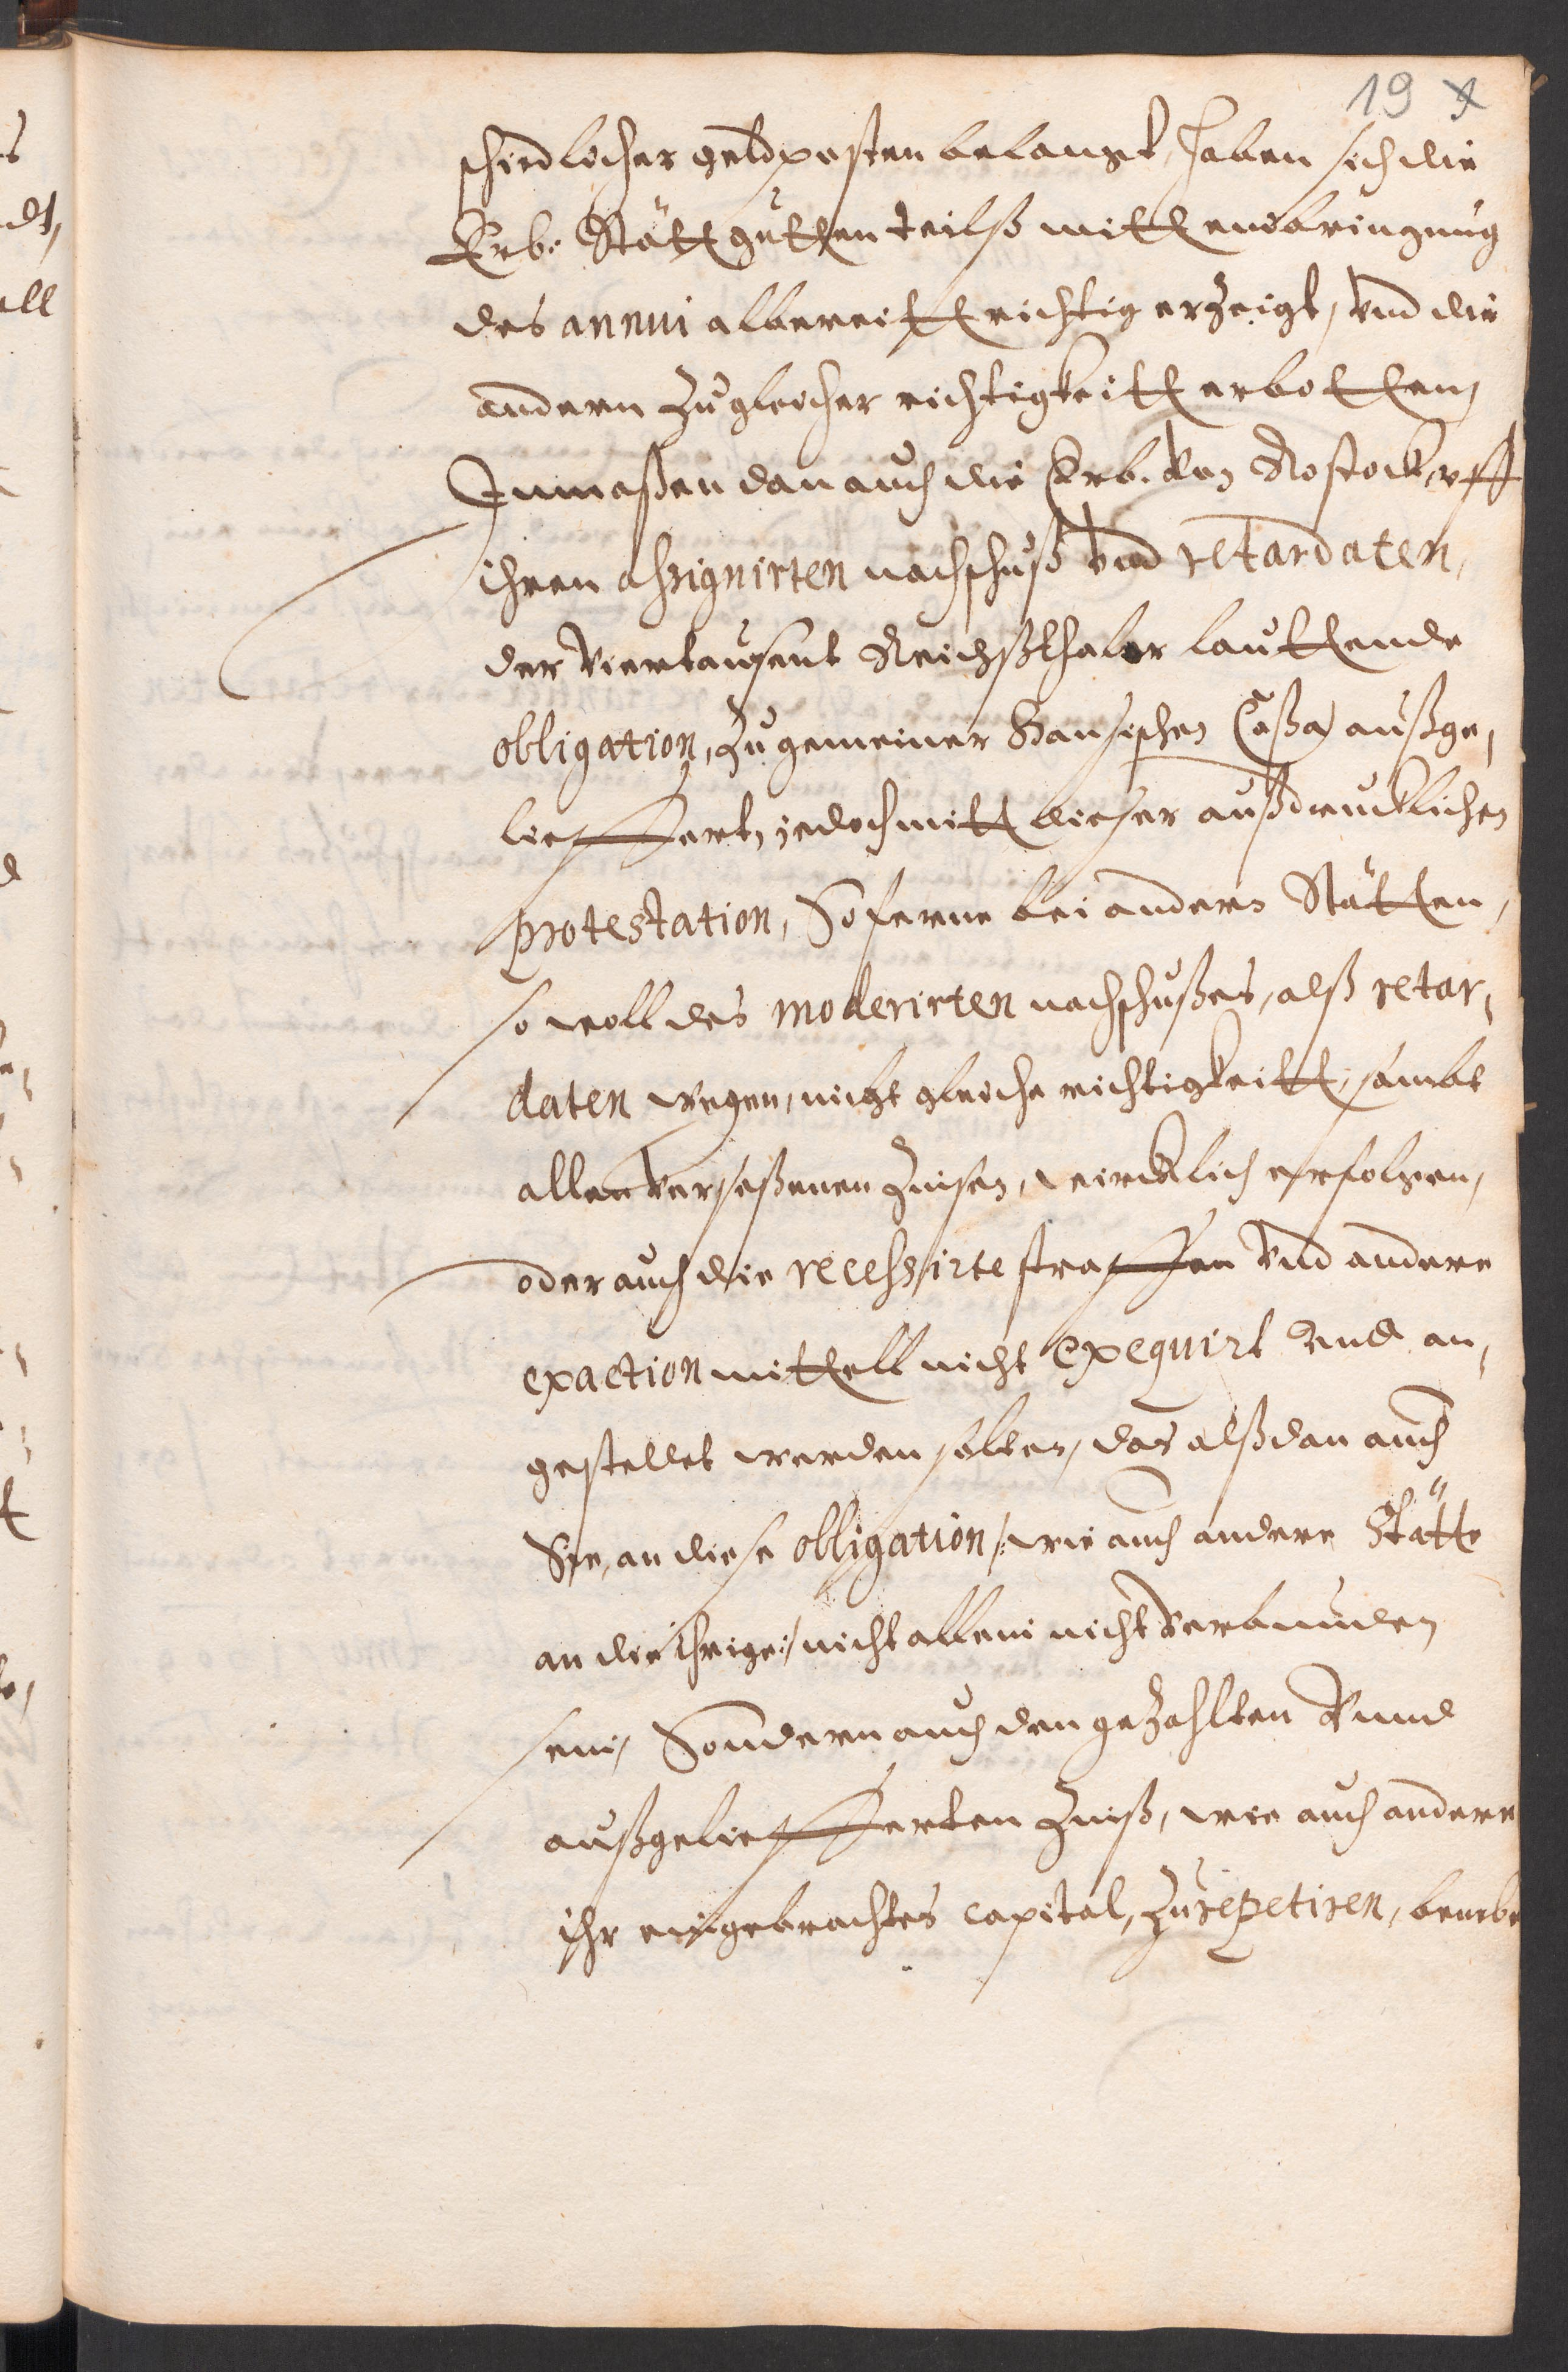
schiedlicher geldposten belangt haben sich die
Erb: Stätt gutten teilß mitt endbringung
des annui albereitt richtig erzeigt, vnd die
andern zu gleicher richtigkeitt erbotten,
Jnmaßen dan auch die Erb. von Rostock, vff
ihren assignirten nachschuß vnd retardaten,
der viertausent Reichßthaler lauttende
obligation, zu gemeiner Hansischen Caßa außge¬
lieffent, jedoch mitt dieser außdrucklichen
protestation, So ferne bei andern Stätten,
so woll des moderirten nachschußes, alß retar¬
daten wegen, nicht gleiche richtigkeitt, sambt
allen verseßenen Zinsen, wircklich erfolgen,
oder auch die recessirte straffen vnd andern
exaction mittell nicht exequirt vnd an¬
gestellet werden solten, das alßdan auch
Sie an diese obliation /: wie auch andere Stätte
an die ihrige :/ nicht allein nicht Verbunden
sein, Sondern auch den gezahlten Vnnd
außgelieffenten Zinß, wie auch andern
ihr eingebrachtes capital, Zurepetiren, benebe
